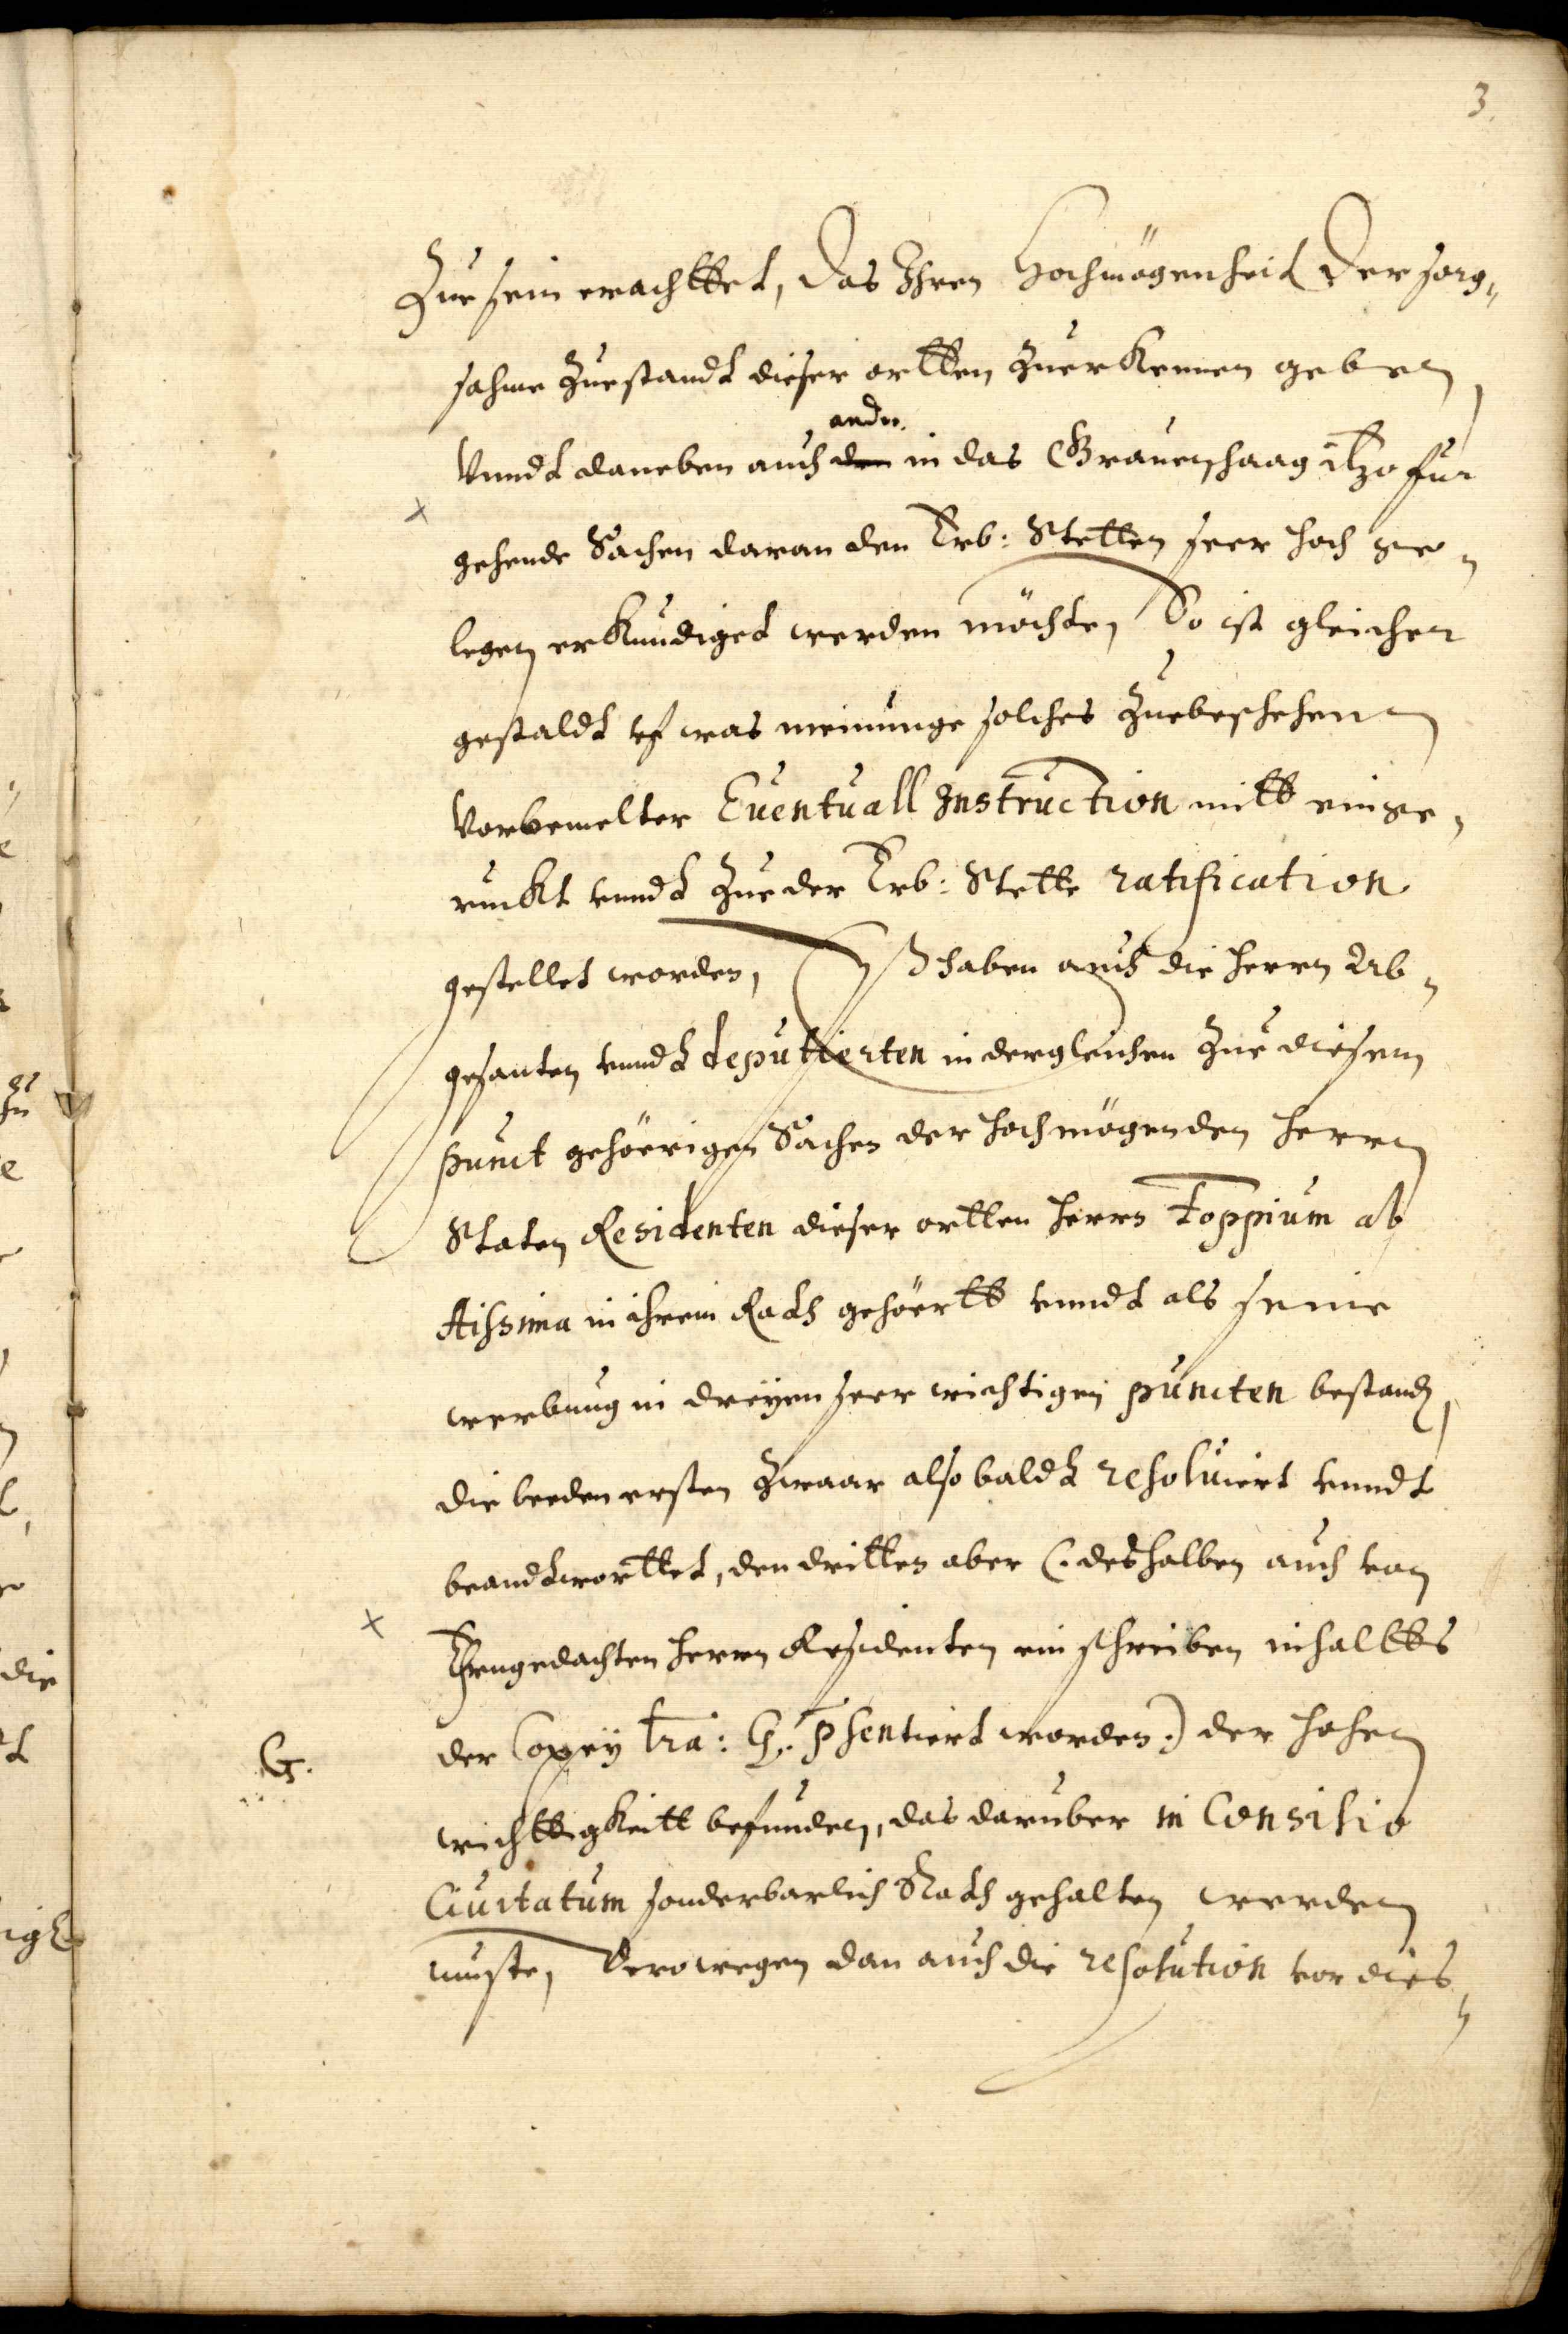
G.
Zue sein erachttet, Das Ihren Hochmögenheit Der sorg¬
sahme Zuestandt dieser ortten Zuerkennen geben,
ander
Vnndt daneben auch den in das Grauenhaag itzo fur
gehende Sachen daran den Erb: Stetten seer hoch ge¬
legen erkundiget werden möchte, So ist gleicher
gestaldt vf was meinunge solches Zuebeschehenn
Vorbemelter Euentuall Instruction mitt einge¬
ruckt vnndt zue der Erb: Stette ratification
gestellet worden, Eß haben auch die herrn Ab¬
gesanten vnndt Deputierten in dergleichen zue diesem
punct gehöerigen Sachen der Hochmögenden herrn
Staten Residenten dieser ortten herrn Foppium ab
Aissima in ihrem Rath gehöertt vnndt als seine
werbung in dreijen seer wichtigen puncten bestanden,
die beeden ersten zwaar also baldt resolvieret vnndt
beandtworttet, den dritten aber (. deshalben auch von
Ehrngedachten herrn Residenten ein schreiben inhaltts
der Copeij Tra: G. presentiert worden .) der hohen
wichttigkeitt befunden, das daruber in Consilio
Ciuitatum sonderbarlich Rath gehalten werden
muste, Derowegen dan auch die resolution vor dies¬
